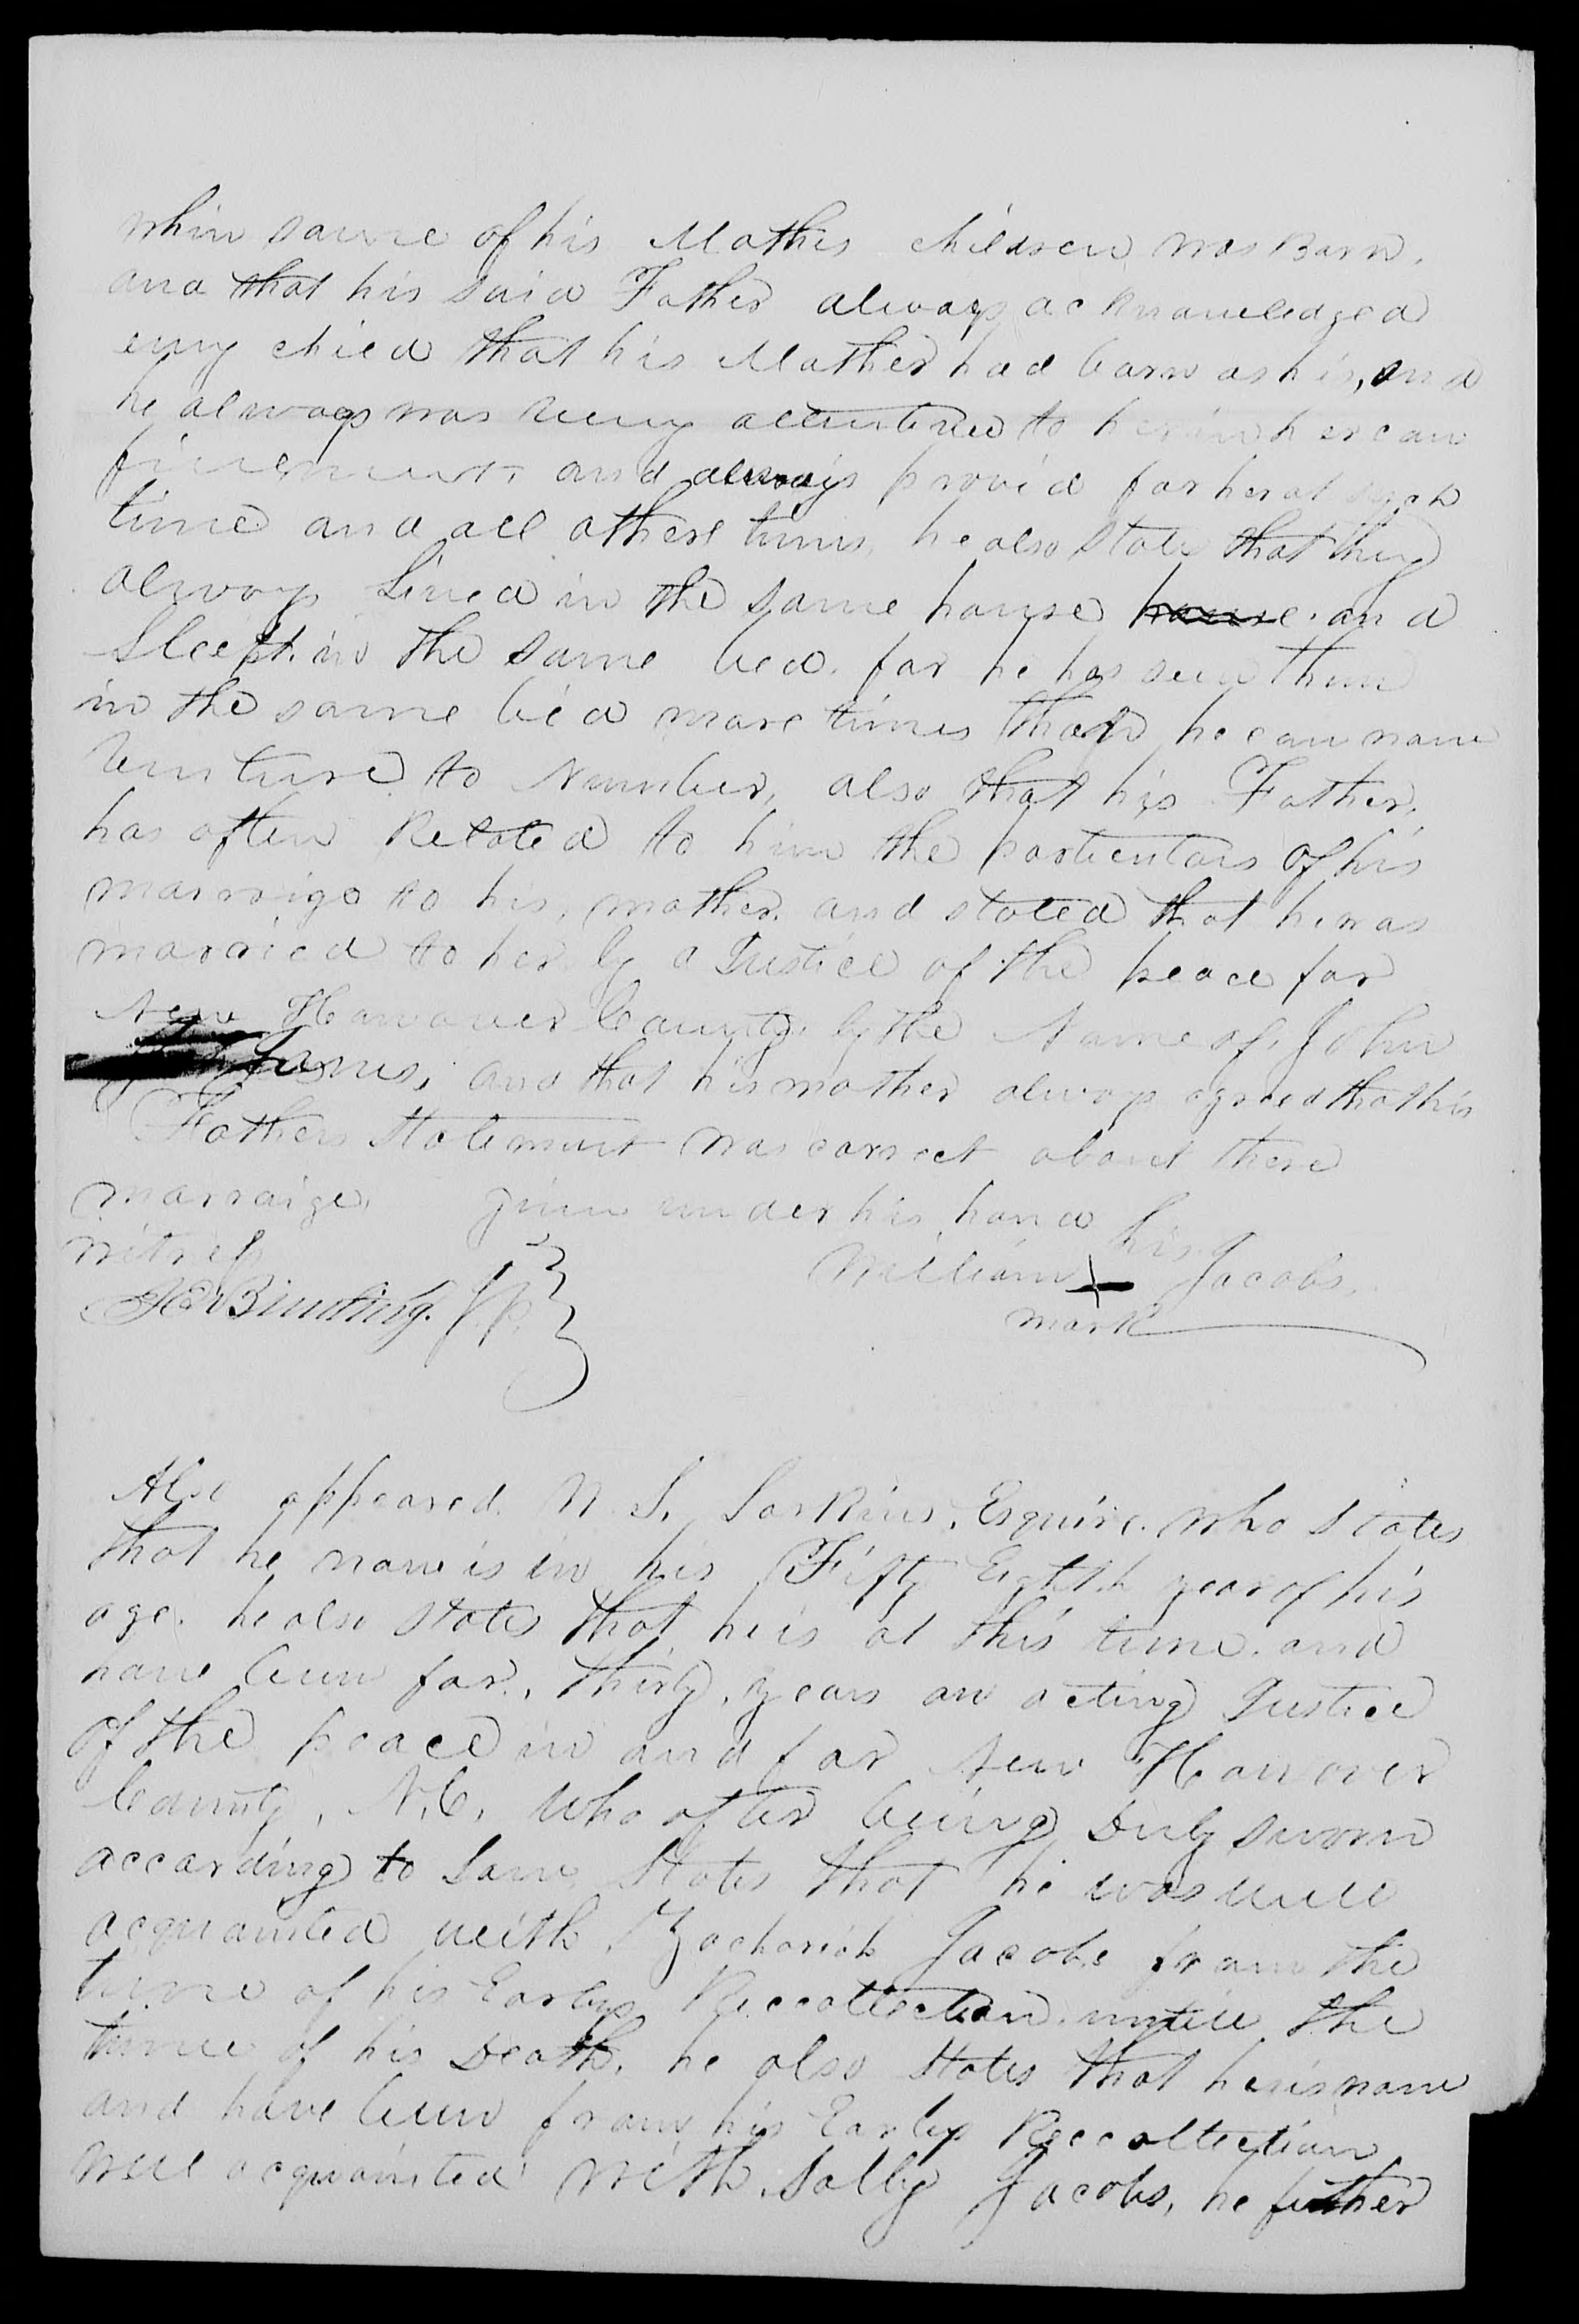when some of his Mothers children was born, and that his said Father always acknowledged every child that his Mother had born as his, and he always was very attentive to he in her confinement and always provid for her at such time and all other times he also state that they always Lived in the same house [the word"house" is crossed out] and Sleept in the same bed for he has seen them in the same bed more times than he can name in term to Number, also that his Father has often Related to him the particulars of his marriage to his mother and stated that he was married to her by Justice of the peace for New Hanover County by the Name of John [crossout] James, and that his mother always agreed that his Fathers Statement was correct about there marriage.  given under his hand               his
                 [Signature] William  X  Jacobs
                                               mark
Witness }
[Signature] H Bunting, JP}

Also appeared W S Sarkins, Esquire who States that he now is in his Fifty Eighth year of his age.  he also states that he is at this time and have been for thirty years an acting Justice of the peace in and for New Hanover County, N.C.  who of his being Duly sworn according to Law States that he was well acquainted with Zachariah Jacobs  from the time of his Earlys Recollection untill the time of his Death, he also States that he is now and have been from his Early Recollection well acquainted with Sally Jacobs, he further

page: 19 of 40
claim: widow's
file: W. 5304, for Zachariah Jacobs, North Carolina